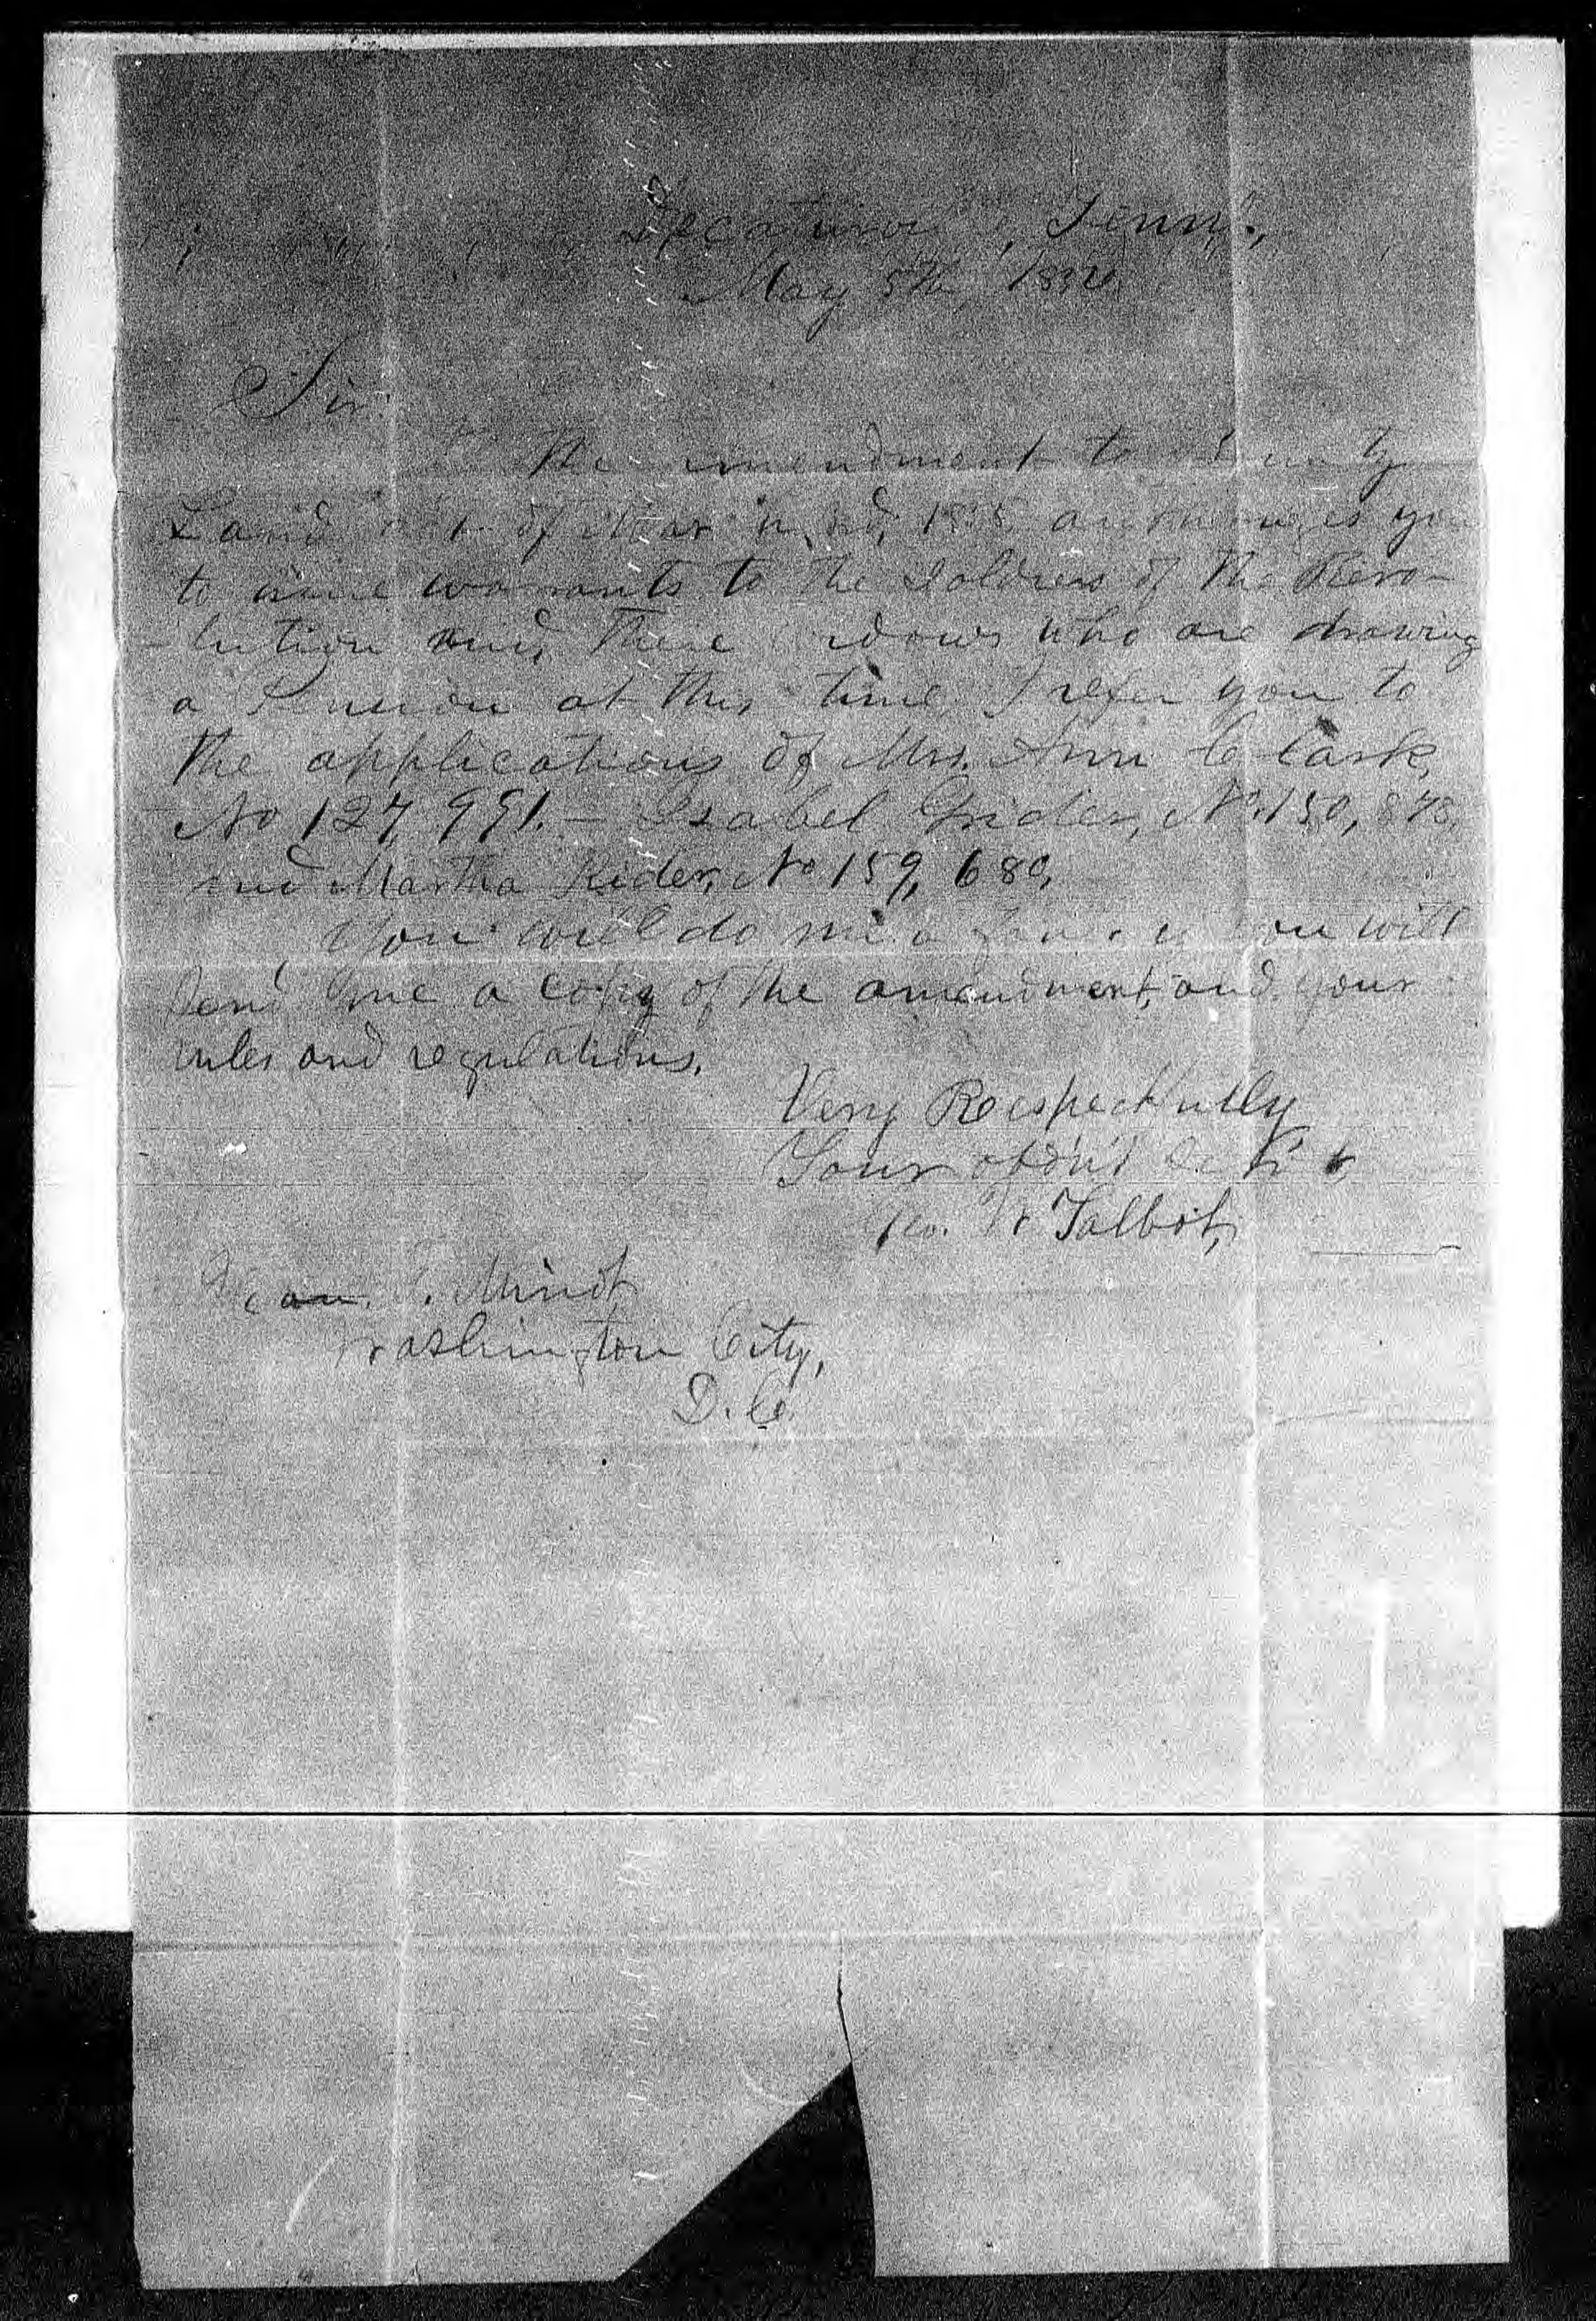[illegible] Tenn
May 5th 1836

Sir:

     The amendment to Bounty Land [illegible] of [illegible] in , and 1835 are [illegible] you to [illegible] warrants to the soldiers of the Revolution and there widows who are drawing a pension at this time. I refer you to the applications of Mrs. Ann Clark, No 127, 991- Isabel Grider, No. 150, 878 and Martha Rider, No 159, 680,
     You will do me a favor if you will send mea  copy of the amendment, and your rules and regulations.
Very Respectfully
Your Obdn't Serv't
Geo. W. Talbot

Hon J. Minot
Washington City
D.C.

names: Isabel Grider, Ann Clark, Geo W Talbot, J Minot, Martha Rider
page: 81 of 91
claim: widow's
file: W 358, John Grider, N.C.